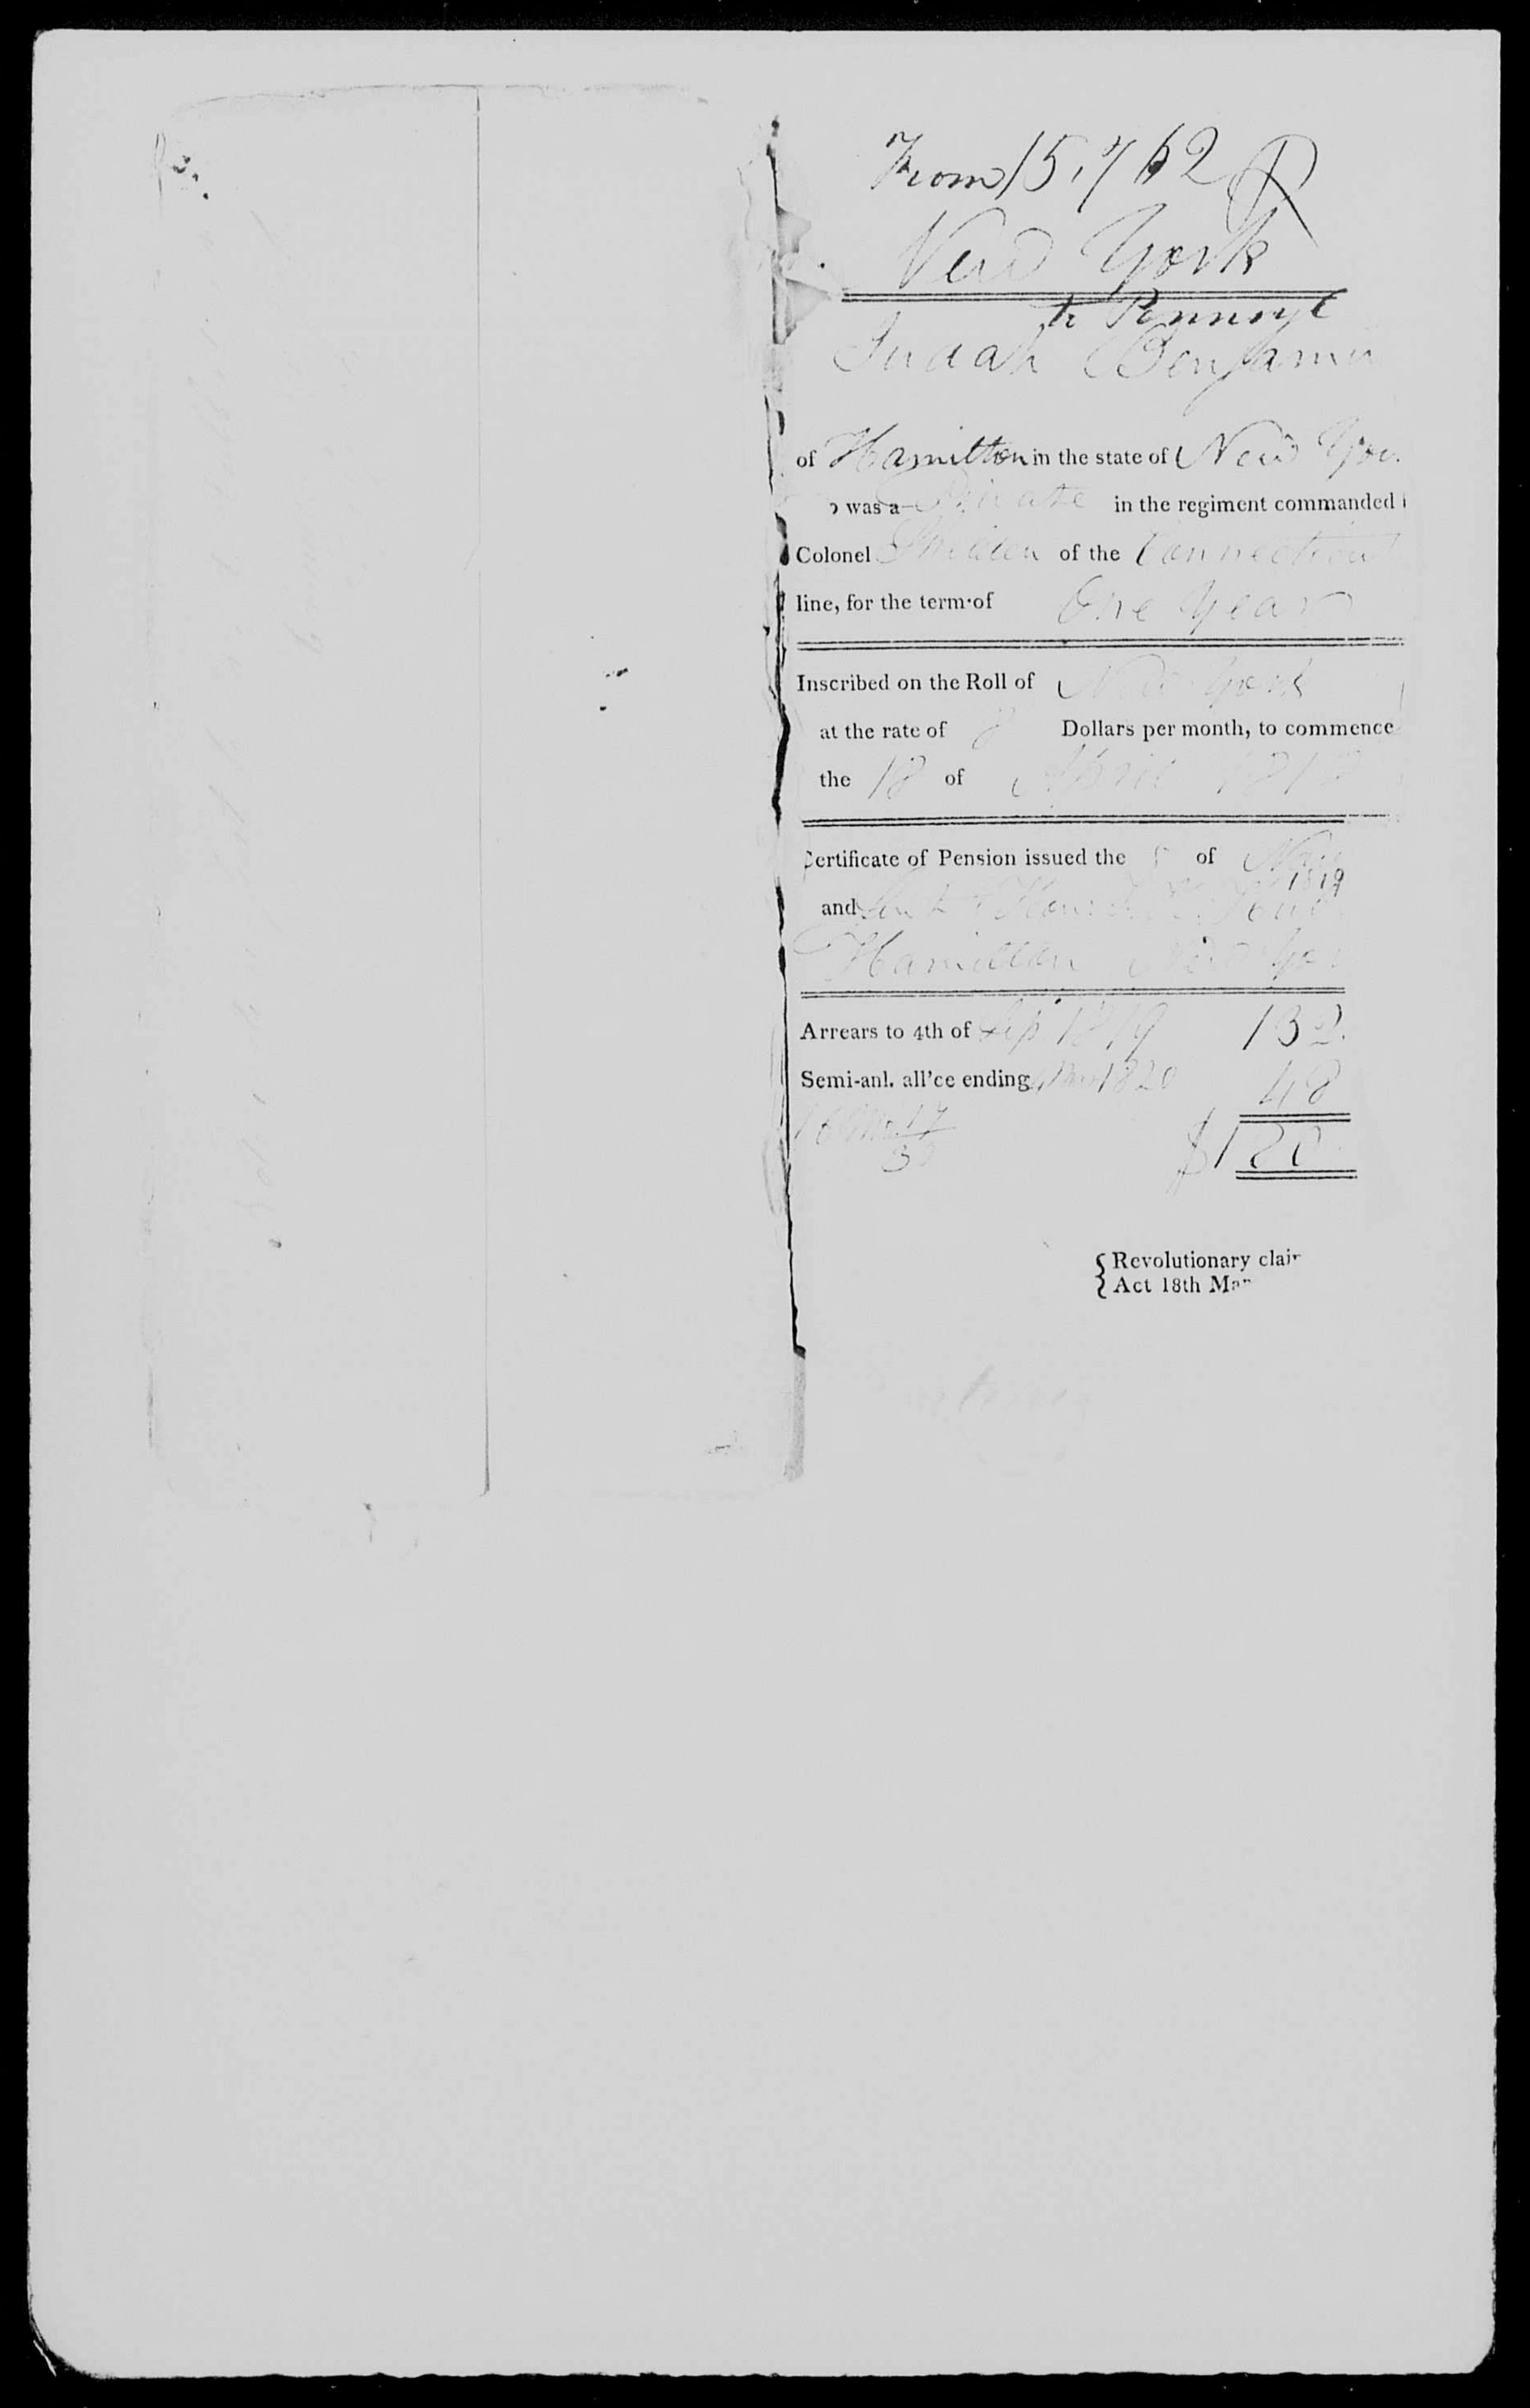15, 762 R
From New York to Pennsyl
Judah Benjamin
of Hamilton in the state of New York  who was a private in the regiment commanded by Colonel Sheldon of the Connecticut line, for the term of one year

Inscribed on the Roll of New York at the rate of 8 Dollars per month, to commence on the 18th of April 1818.

Certificate of Pension issued the 8 of Nov 1819, and sent to [illegible] Hamilton New York

Arrears to the 4th of Sept 1819 - -  132
Semi-anl. all'ce ending 4 Mar 1820 - 48.
[total] $180

 {Revolutionary claim, Act 18th March, 1818.}

Continued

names: Judah Benjamin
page: 2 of 34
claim: survivor's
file: S. 39981, Judah Benjamin, Continental (N. H. And N. Y.)